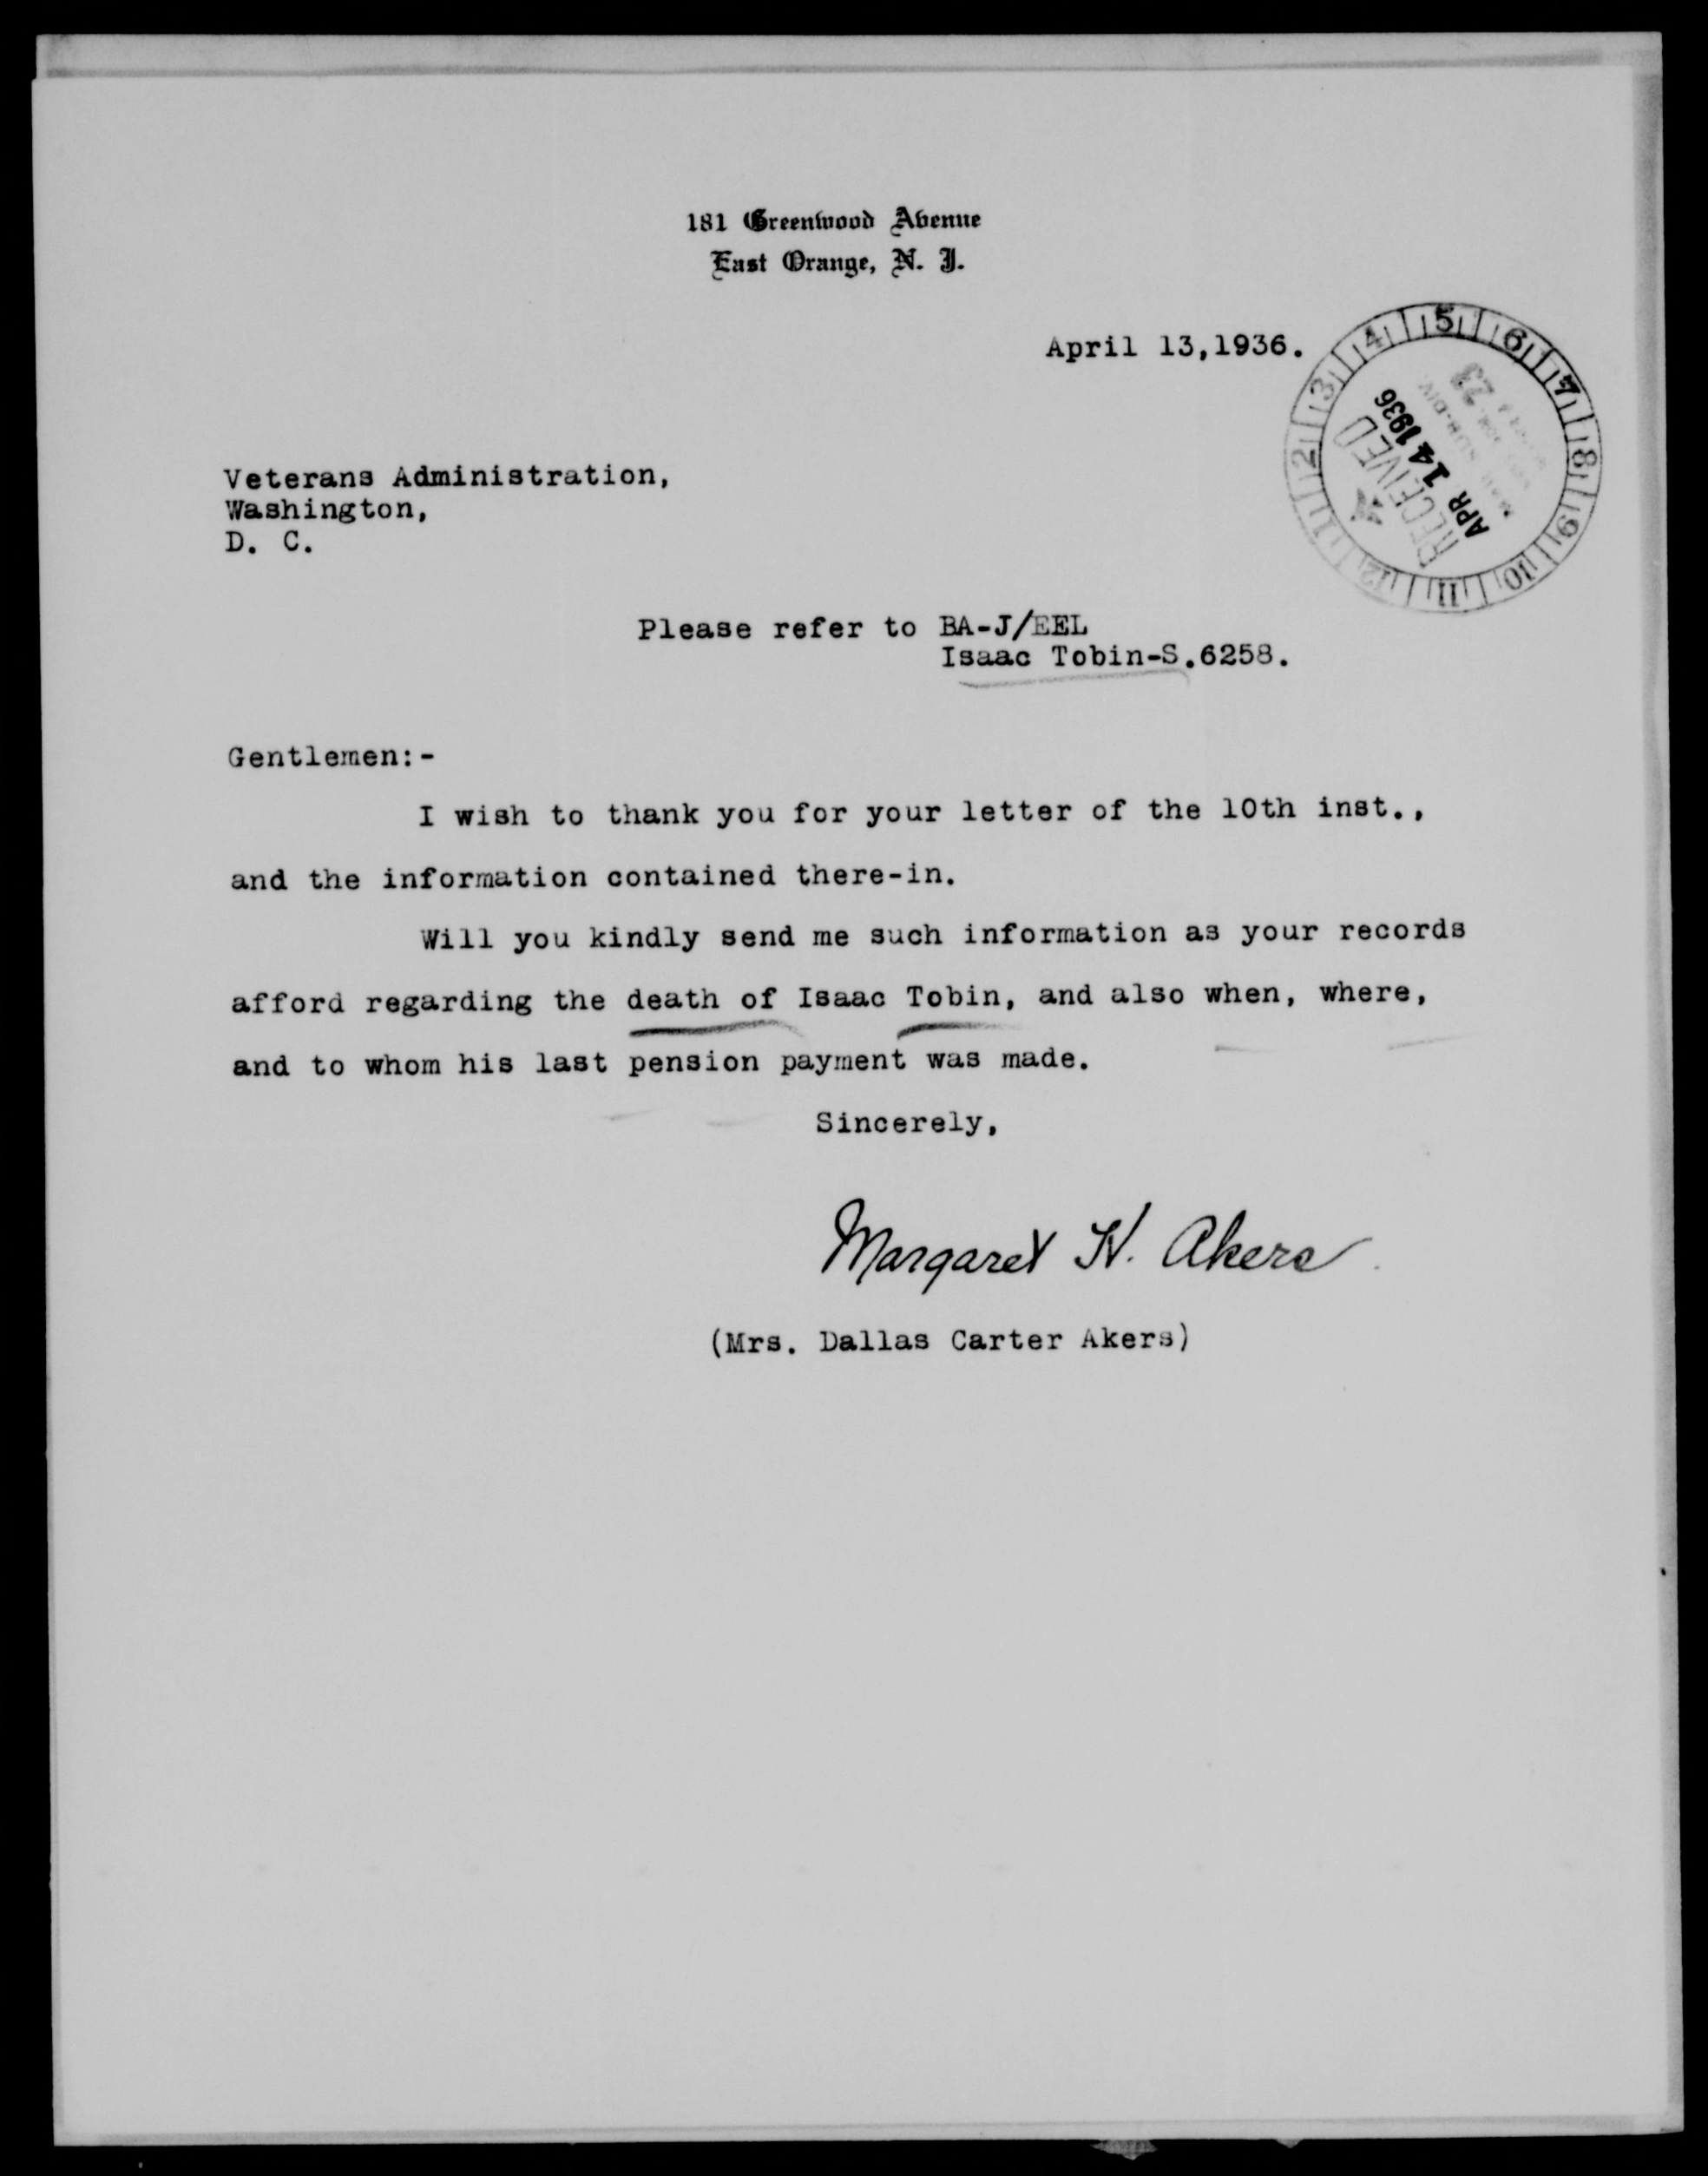181 Greenwood Avenue
East Orange, N.J.
April 13, 1936
Veterans Administration, Washington, D.C.
Please refer to BA-J/EEL Isaac Tobin-S.6258.
Gentlemen:-
I wish to thank you for your letter of the 10th inst., and the information contained there-in. Will you kindly send me such information as your records afford regarding the death of Isaac Tobin, and also when, where, and to whom his last pension payment was made.
Sincerely,
Margaret H. Akers (Mrs. Dallas Carter Akers)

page: 14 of 25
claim: survivor's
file: S. 6258, for Isaac Tobin, New Jersey